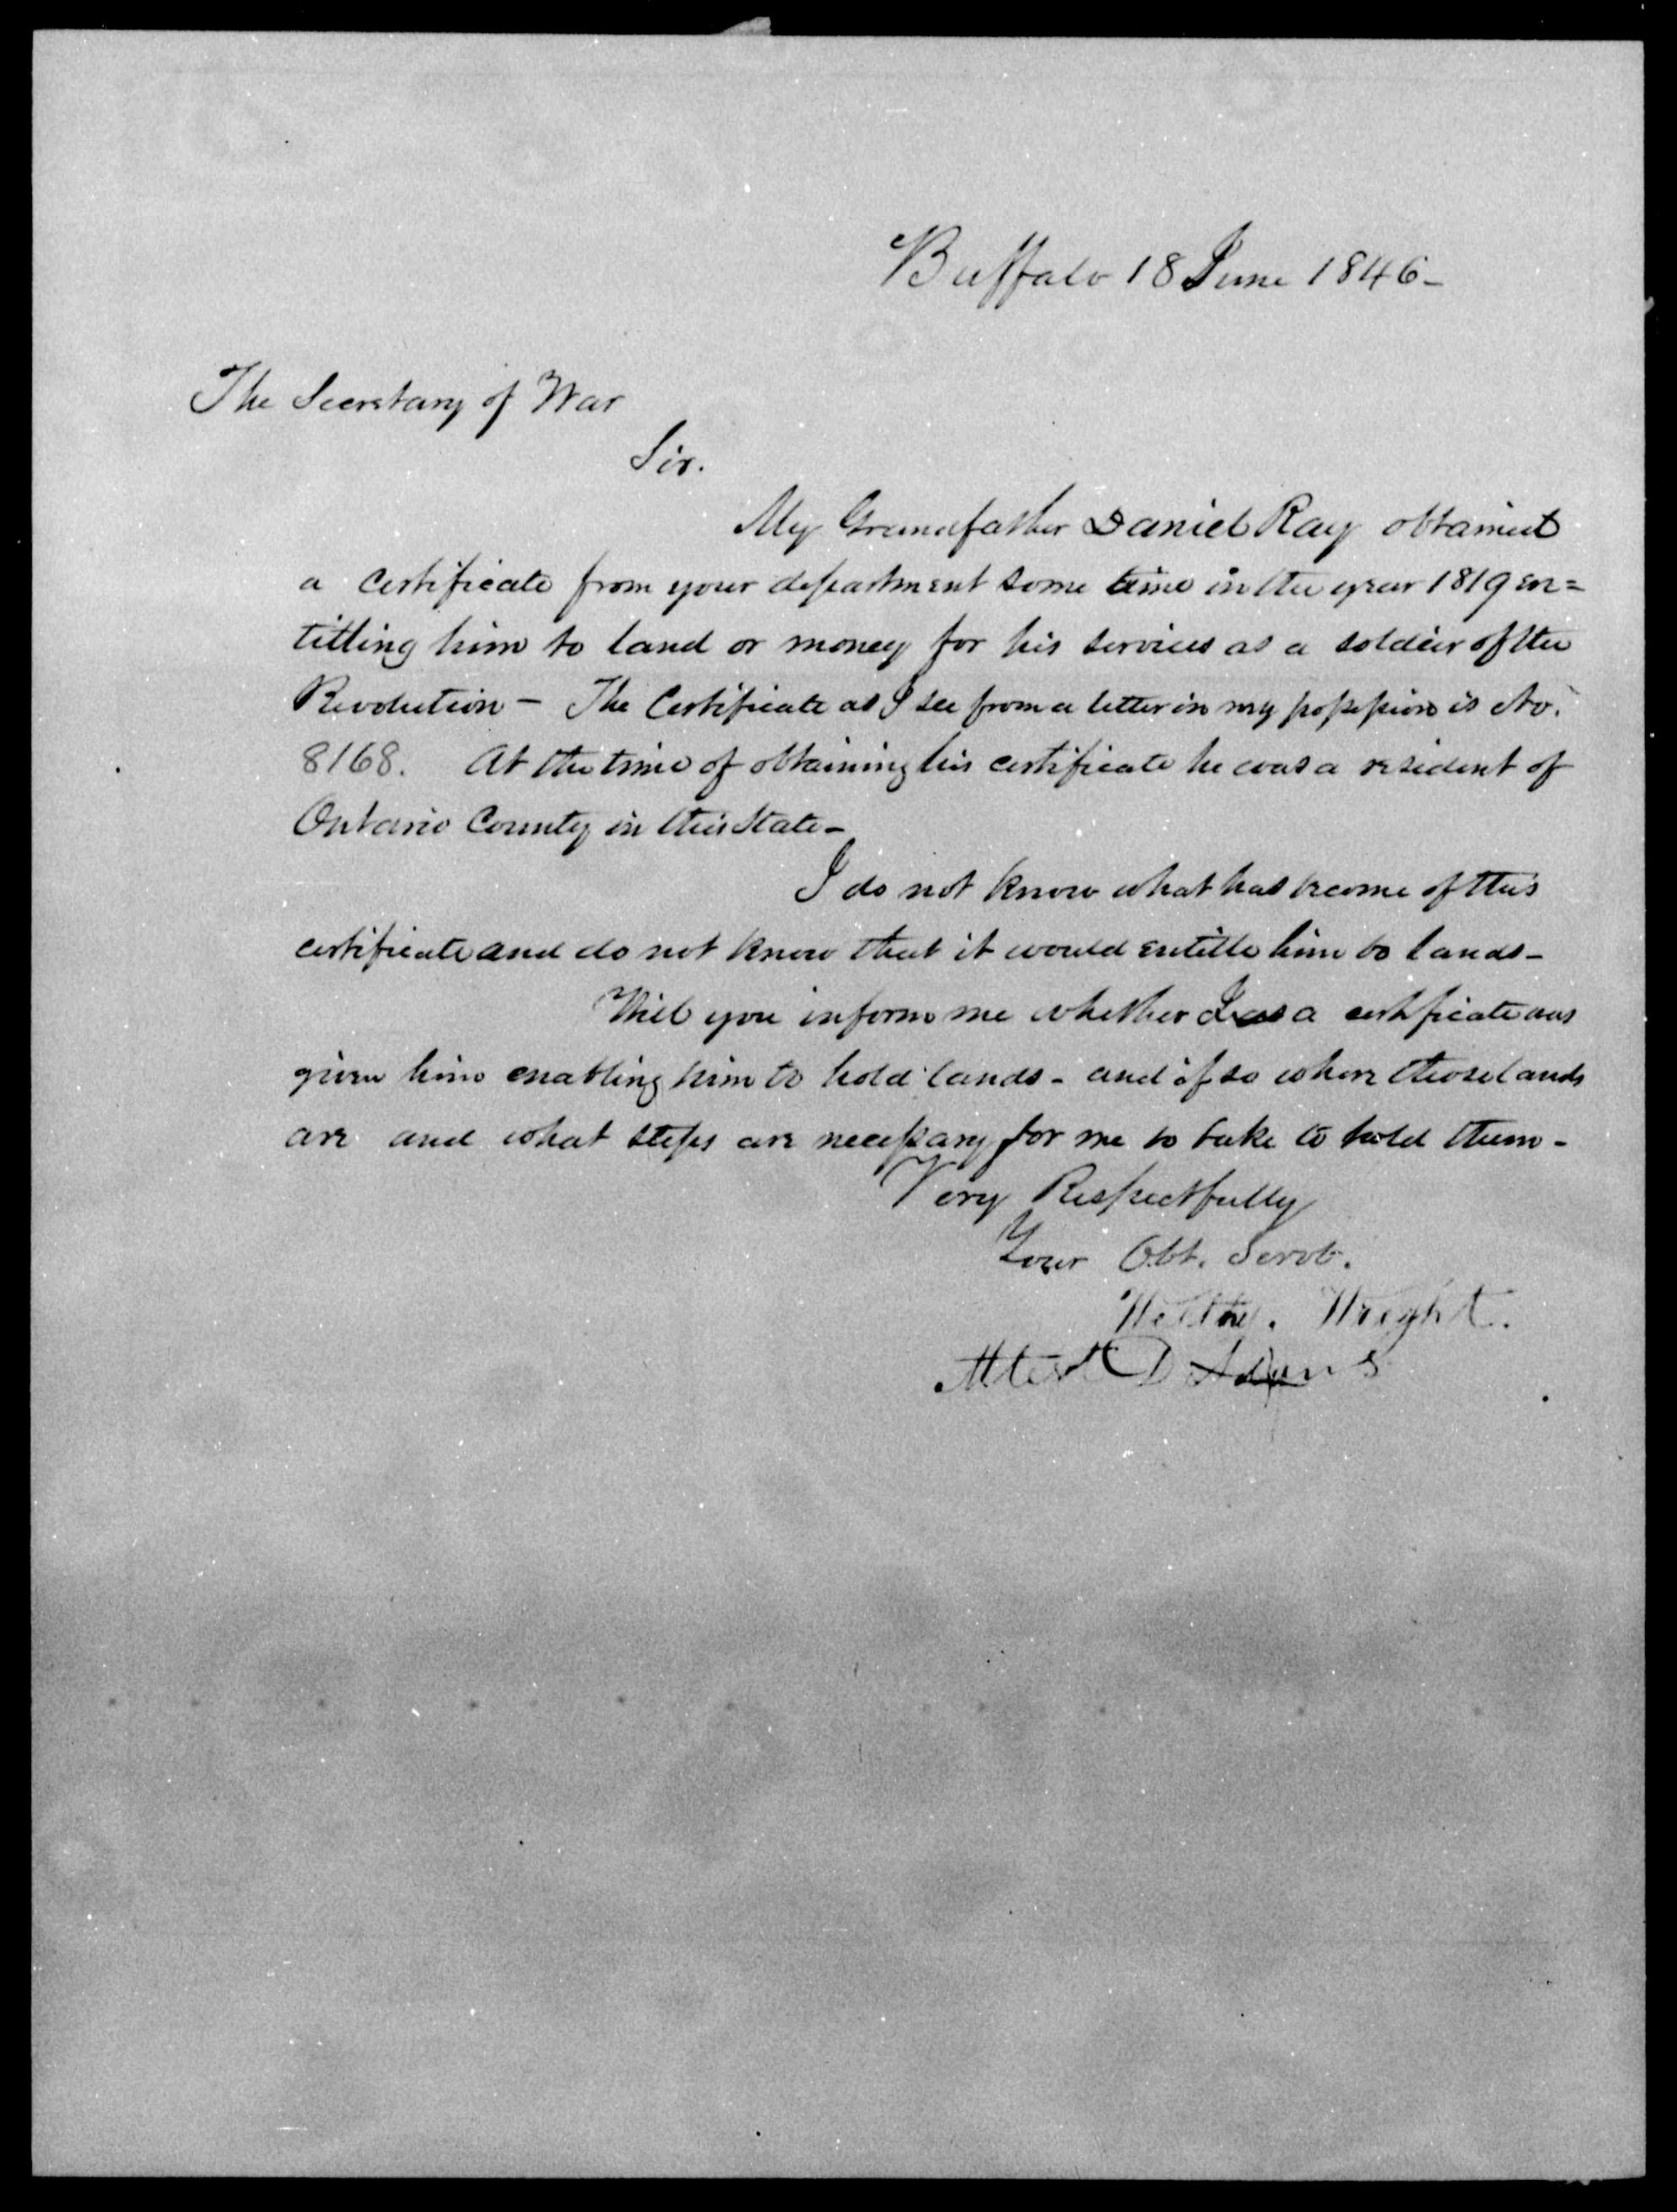Buffalo 18 June 1846

The Secretary of War
Sir.
My grandfather Daniel Ray obtained a certificate from your department some time in the year 1819 entitling him to land or money for his services at a soldier of the Revolution- The Certificate as I see from a letter in my possession is No. 8168. At the time of obtaining his certificate he was a resident of Ontario County in this State-
I do not know what has become of this certificate and do not know that it would entitle him to land-
Will you inform me whether [illegible] a certificate was given him enabling him to hold land - and if so where those lands are and what steps are necessary for me to take to hold them.
Very Respectfully
Your Obt. Servt.
Welthy Wright
[illegible]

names: Welthy Wright; D Adams; Daniel Ray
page: 5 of 20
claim: survivor's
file: S. 43891, for Daniel Ray, Connecticut